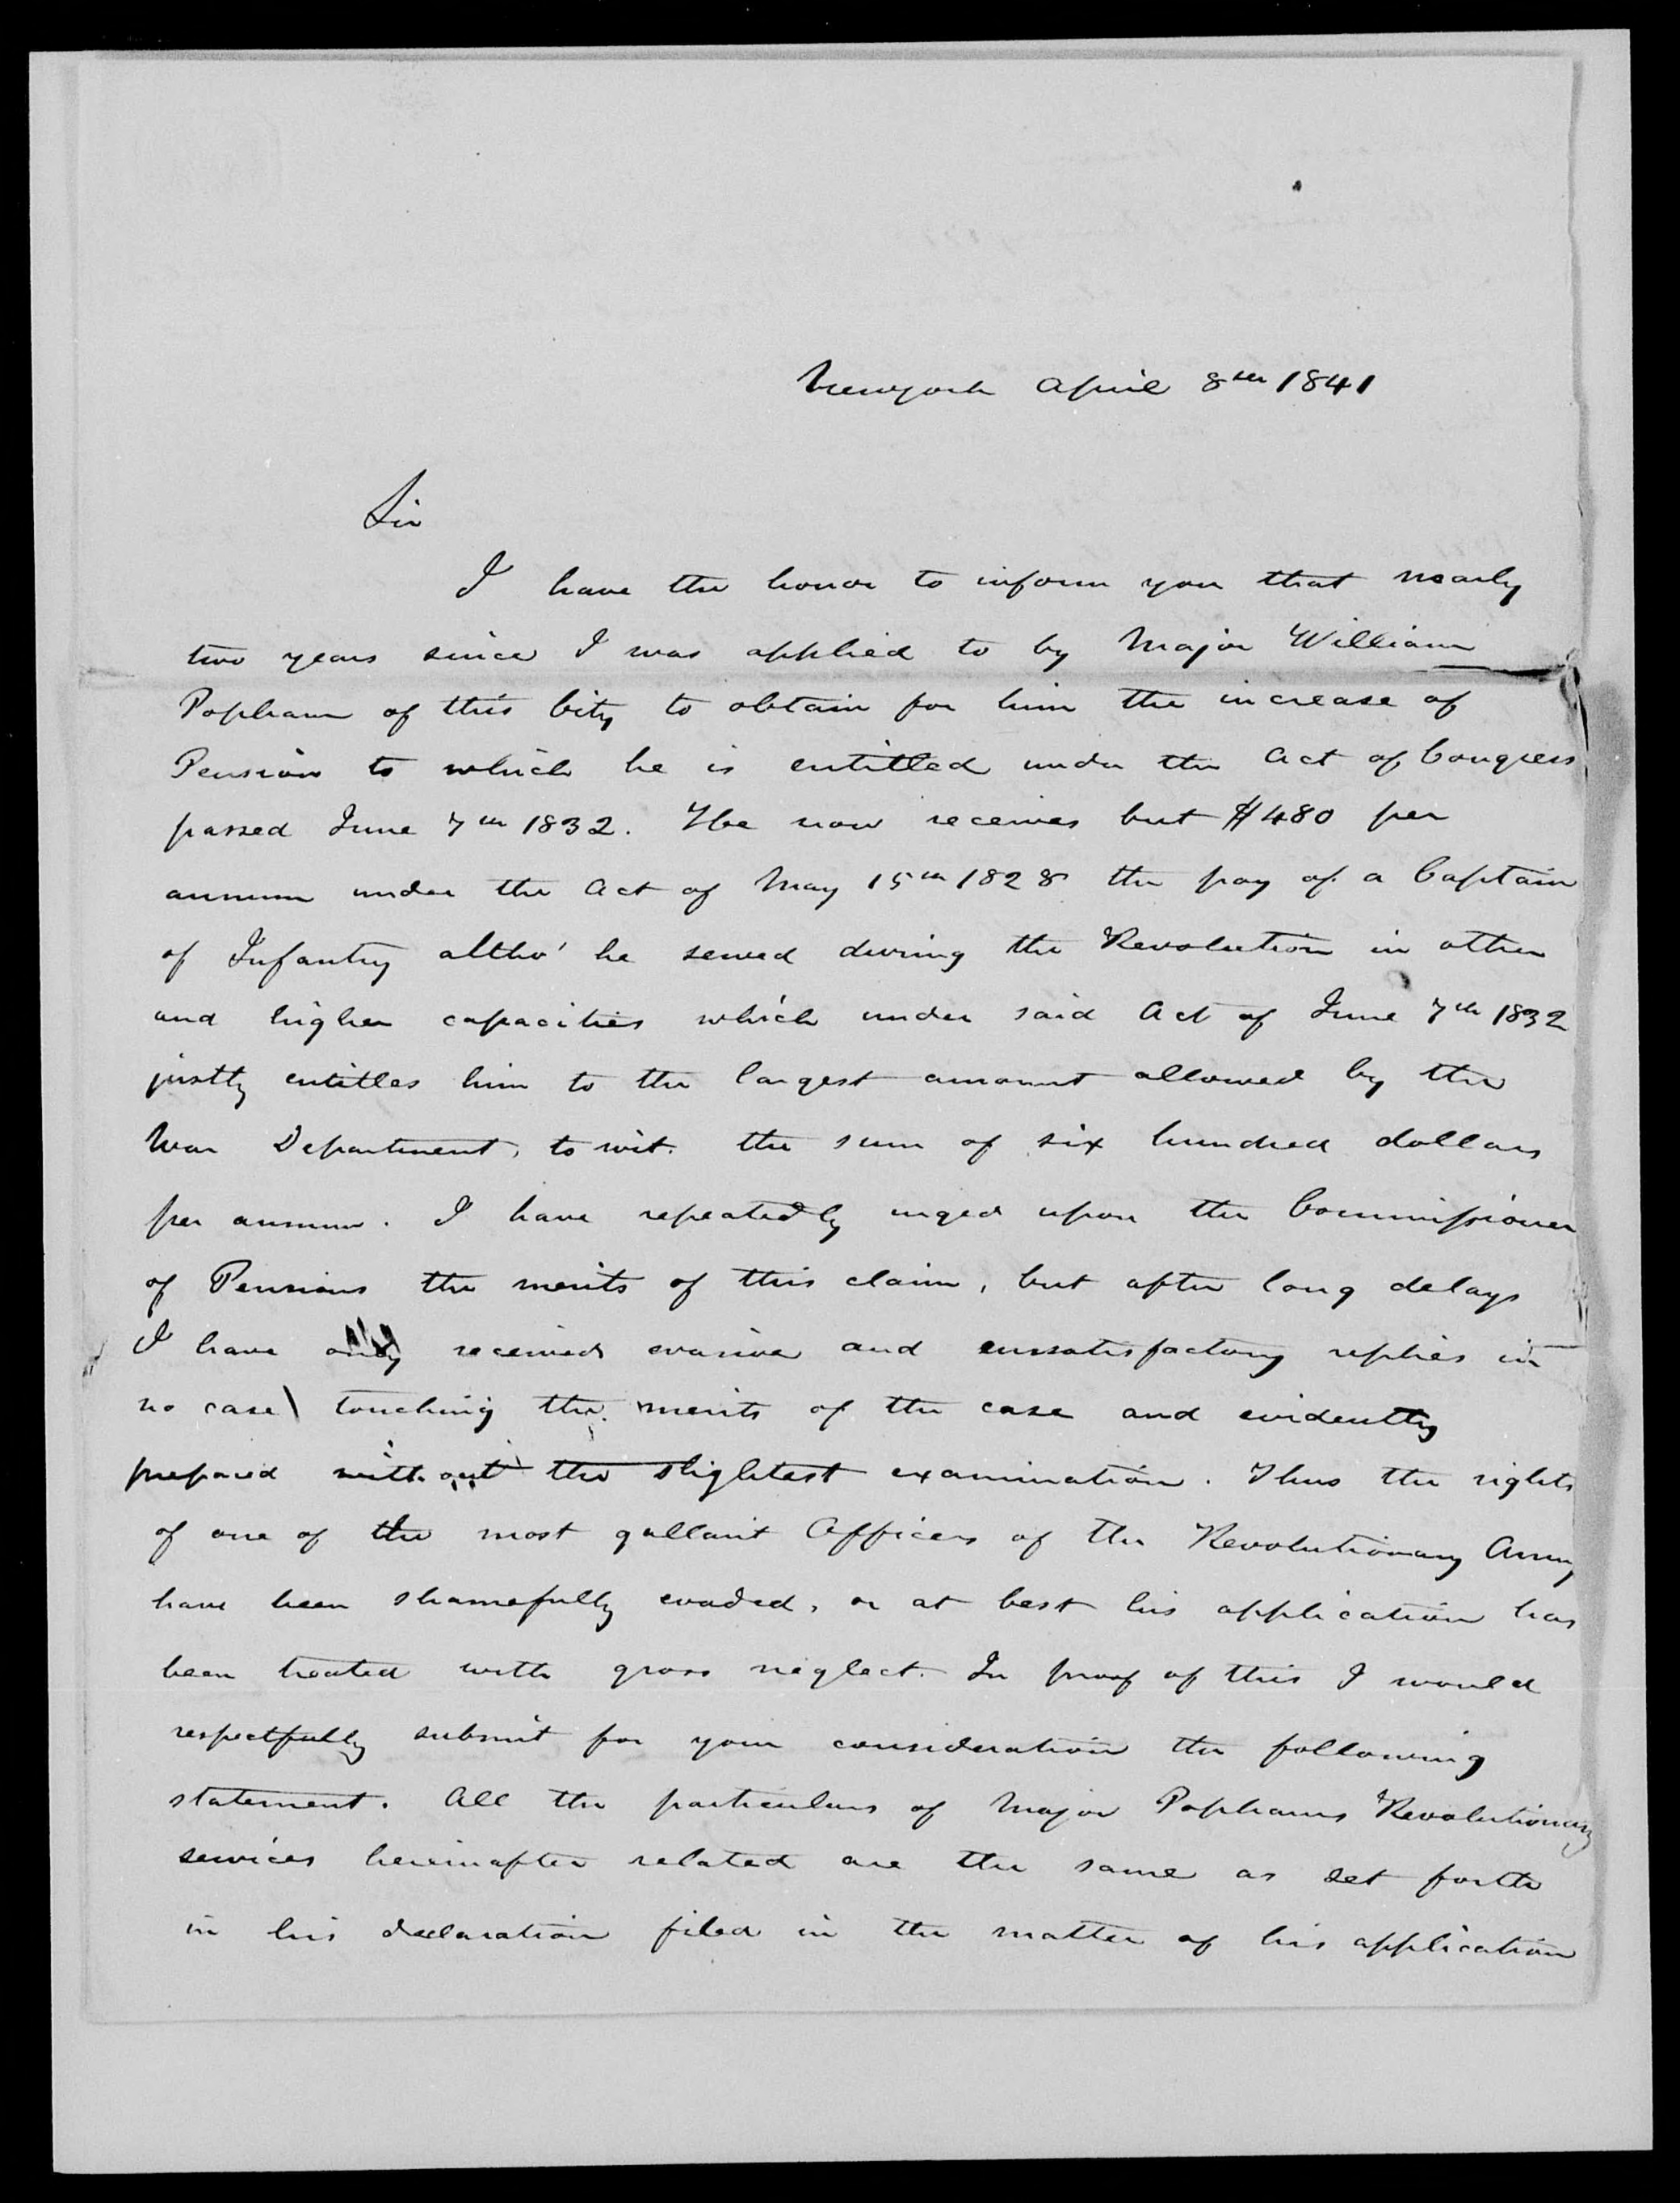Newyork April 8th 1841
Sir
I have the honor to inform you that nearly
two years since
I was applied to by Major William
Popham of this City to obtain for him the increase of
Pension to which he is entitled under the act of Congress
passed June 7th 1832. He now received but $480 per annum under the act of May 15th 1828 the pay of a Captain
of Infantry altho he served during the Revolution in other
and light capacities which under said act of June 7th 1832
firstly entitles him to the largest amount
allowed by the
War Department, to wit, the sum of six hundred dollars
per annum. I have repeatedly urged upon the Commissioner
of Pensions the merits of this claim, but after long delays
I
have
only received evasive and unsatisfactory replies in
no case touching the merits of the case and evidently
prepared without the slightest examination. Thus the rights
of one of the most gallant Officers of the Revolutionary Army
have been shamefully evaded, or at best his application has
been treated with gross neglect. In proof of this I would
respectfully submit for your consideration the following
statement. All the particulars of Major Pophams Revolutionary services
hereinafter related are the same as set forth
in his declaration filed in the matter of his application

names: William Popham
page: 42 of 75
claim: survivor's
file: S. 9989, for William Popham, Delaware